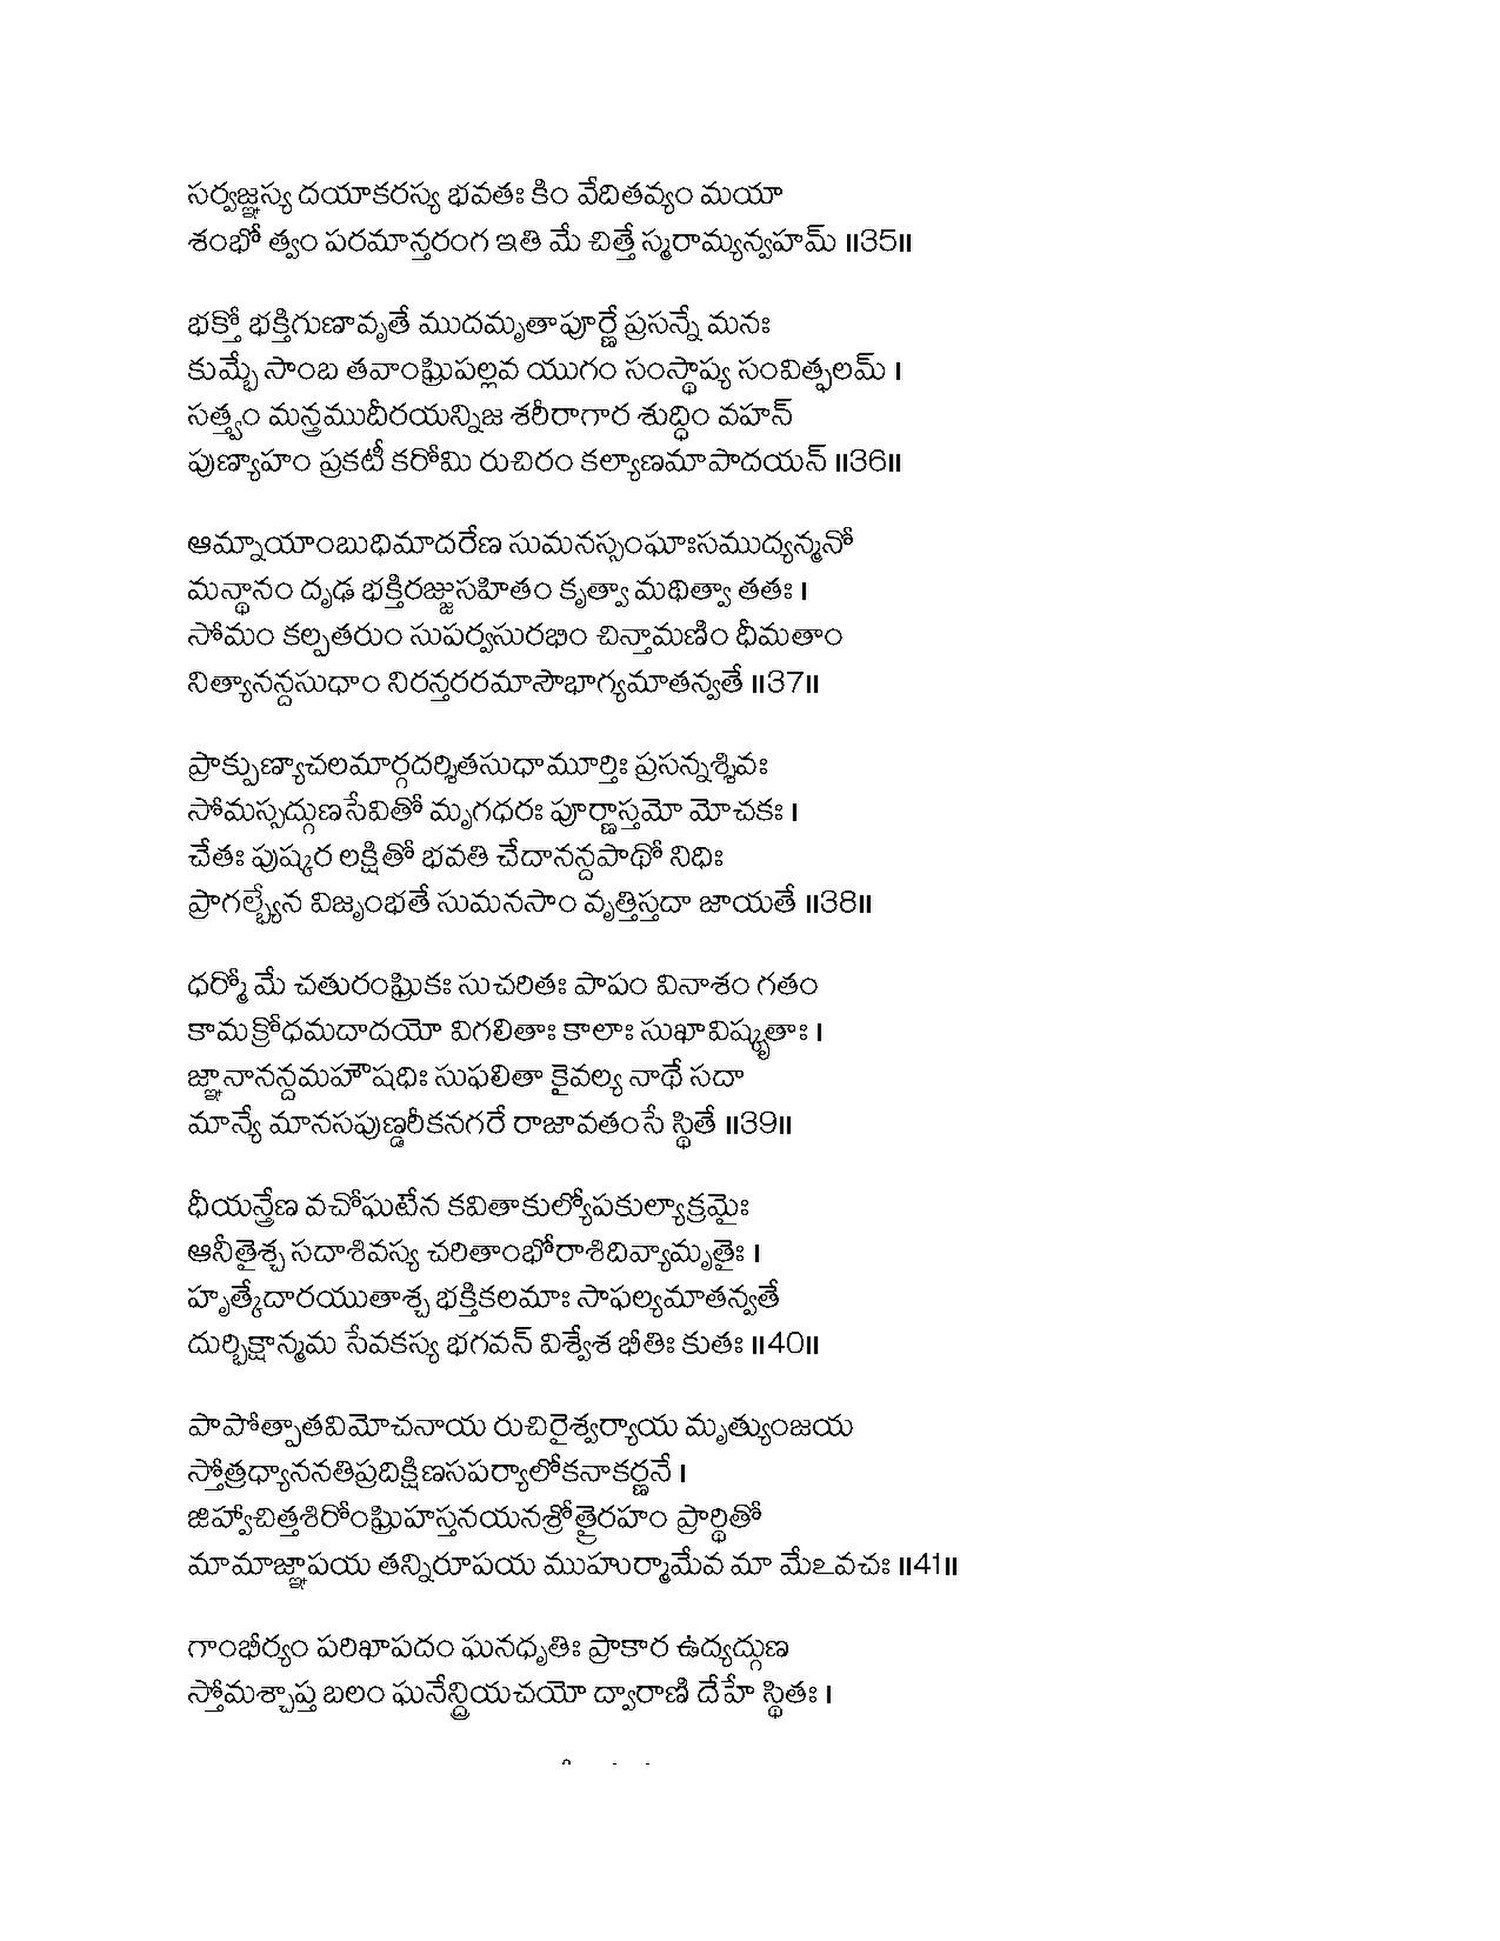సర్వజ్ఞస్య దయాకరస్య భవతః కిం వేదితవ్యం మయా
శంభో త్వం పరమాన్తరంగ ఇతి మే చిత్తే స్మరామ్యన్వహమ్ ||35||

భక్తో భక్తిగుణావృతే ముదమృతా పూర్ణే ప్రసన్నే మనః
కుమ్బే సాంబ తవాంఘ్రిపల్లవ యుగం సంస్థాప్య సంవిత్ఫలమ్ |
సత్త్వం మన్త్రముదీరయన్నిజ శరీరాగార శుద్ధిం వహన్
పుణ్యాహం ప్రకటీ కరోమి రుచిరం కల్యాణమా పాదయన్ ||36||

ఆమ్నాయాంబుధిమాదరేణ సుమనస్సంఘాఃసముద్యన్మనో
మన్థానం దృఢ భక్తిరజ్జుసహితం కృత్వా మథిత్వా తతః |
సోమం కల్పతరుం సుపర్వసురభిం చిన్తామణిం ధీమతాం
నిత్యానన్దసుధాం నిరన్తరరమాసౌభాగ్యమాతన్వతే || 37 ||

ప్రాక్పుణ్యాచలమార్గదర్శితసుధామూర్తిః ప్రసన్నశ్శివః
సోమస్సద్గుణసేవితో మృగధరః పూర్ణాస్తమో మోచకః |
చేతః పుష్కర లక్షితో భవతి చేదానన్దపాథో నిధిః
ప్రాగల్బ్యేన విజృంభతే సుమనసాం వృత్తిస్తదా జాయతే ||38||

ధర్మోమే చతురంఘ్రికః సుచరితః పాపం వినాశం గతం
కామక్రోధమదాదయో విగలితాః కాలాః సుఖావిష్కృతాః |
జ్ఞానానన్దమహౌషధిః సుఫలితా కైవల్య నాథే సదా
మాన్యే మానసపుణ్డరీకనగరే రాజావతంసే స్థితే ||39||

ధీయన్త్రేణ వచోఘటేన కవితాకుల్యోపకుల్యాక్రమైః
ఆనీతైశ్చ సదాశివస్య చరితాంభోరాశిదివ్యామృతైః |
హృత్కేదారయుతాశ్చ భక్తికలమాః సాఫల్యమాతన్వతే
దుర్భిక్షాన్మమ సేవకస్య భగవన్ విశ్వేశ భీతిః కుతః ||40||

పాపోత్పాతవిమోచనాయ రుచిరైశ్వర్యాయ మృత్యుంజయ
స్తోత్రధ్యాననతిప్రదక్షిణసపర్యాలోకనాకర్ణనే |
జిహ్వాచిత్తశిరోంఘ్రిహస్తనయనశ్రోత్రైరహం ప్రార్థితో
మామాజ్ఞాపయ తన్నిరూపయ ముహుర్మామేవ మా మే౽వచః || 41||

గాంభీర్యం పరిఖాపదం ఘనధృతిః ప్రాకార ఉద్యద్గుణ
స్తోమశ్చాప్త బలం ఘనేన్ద్రియచయో ద్వారాణి దేహే స్థితః |